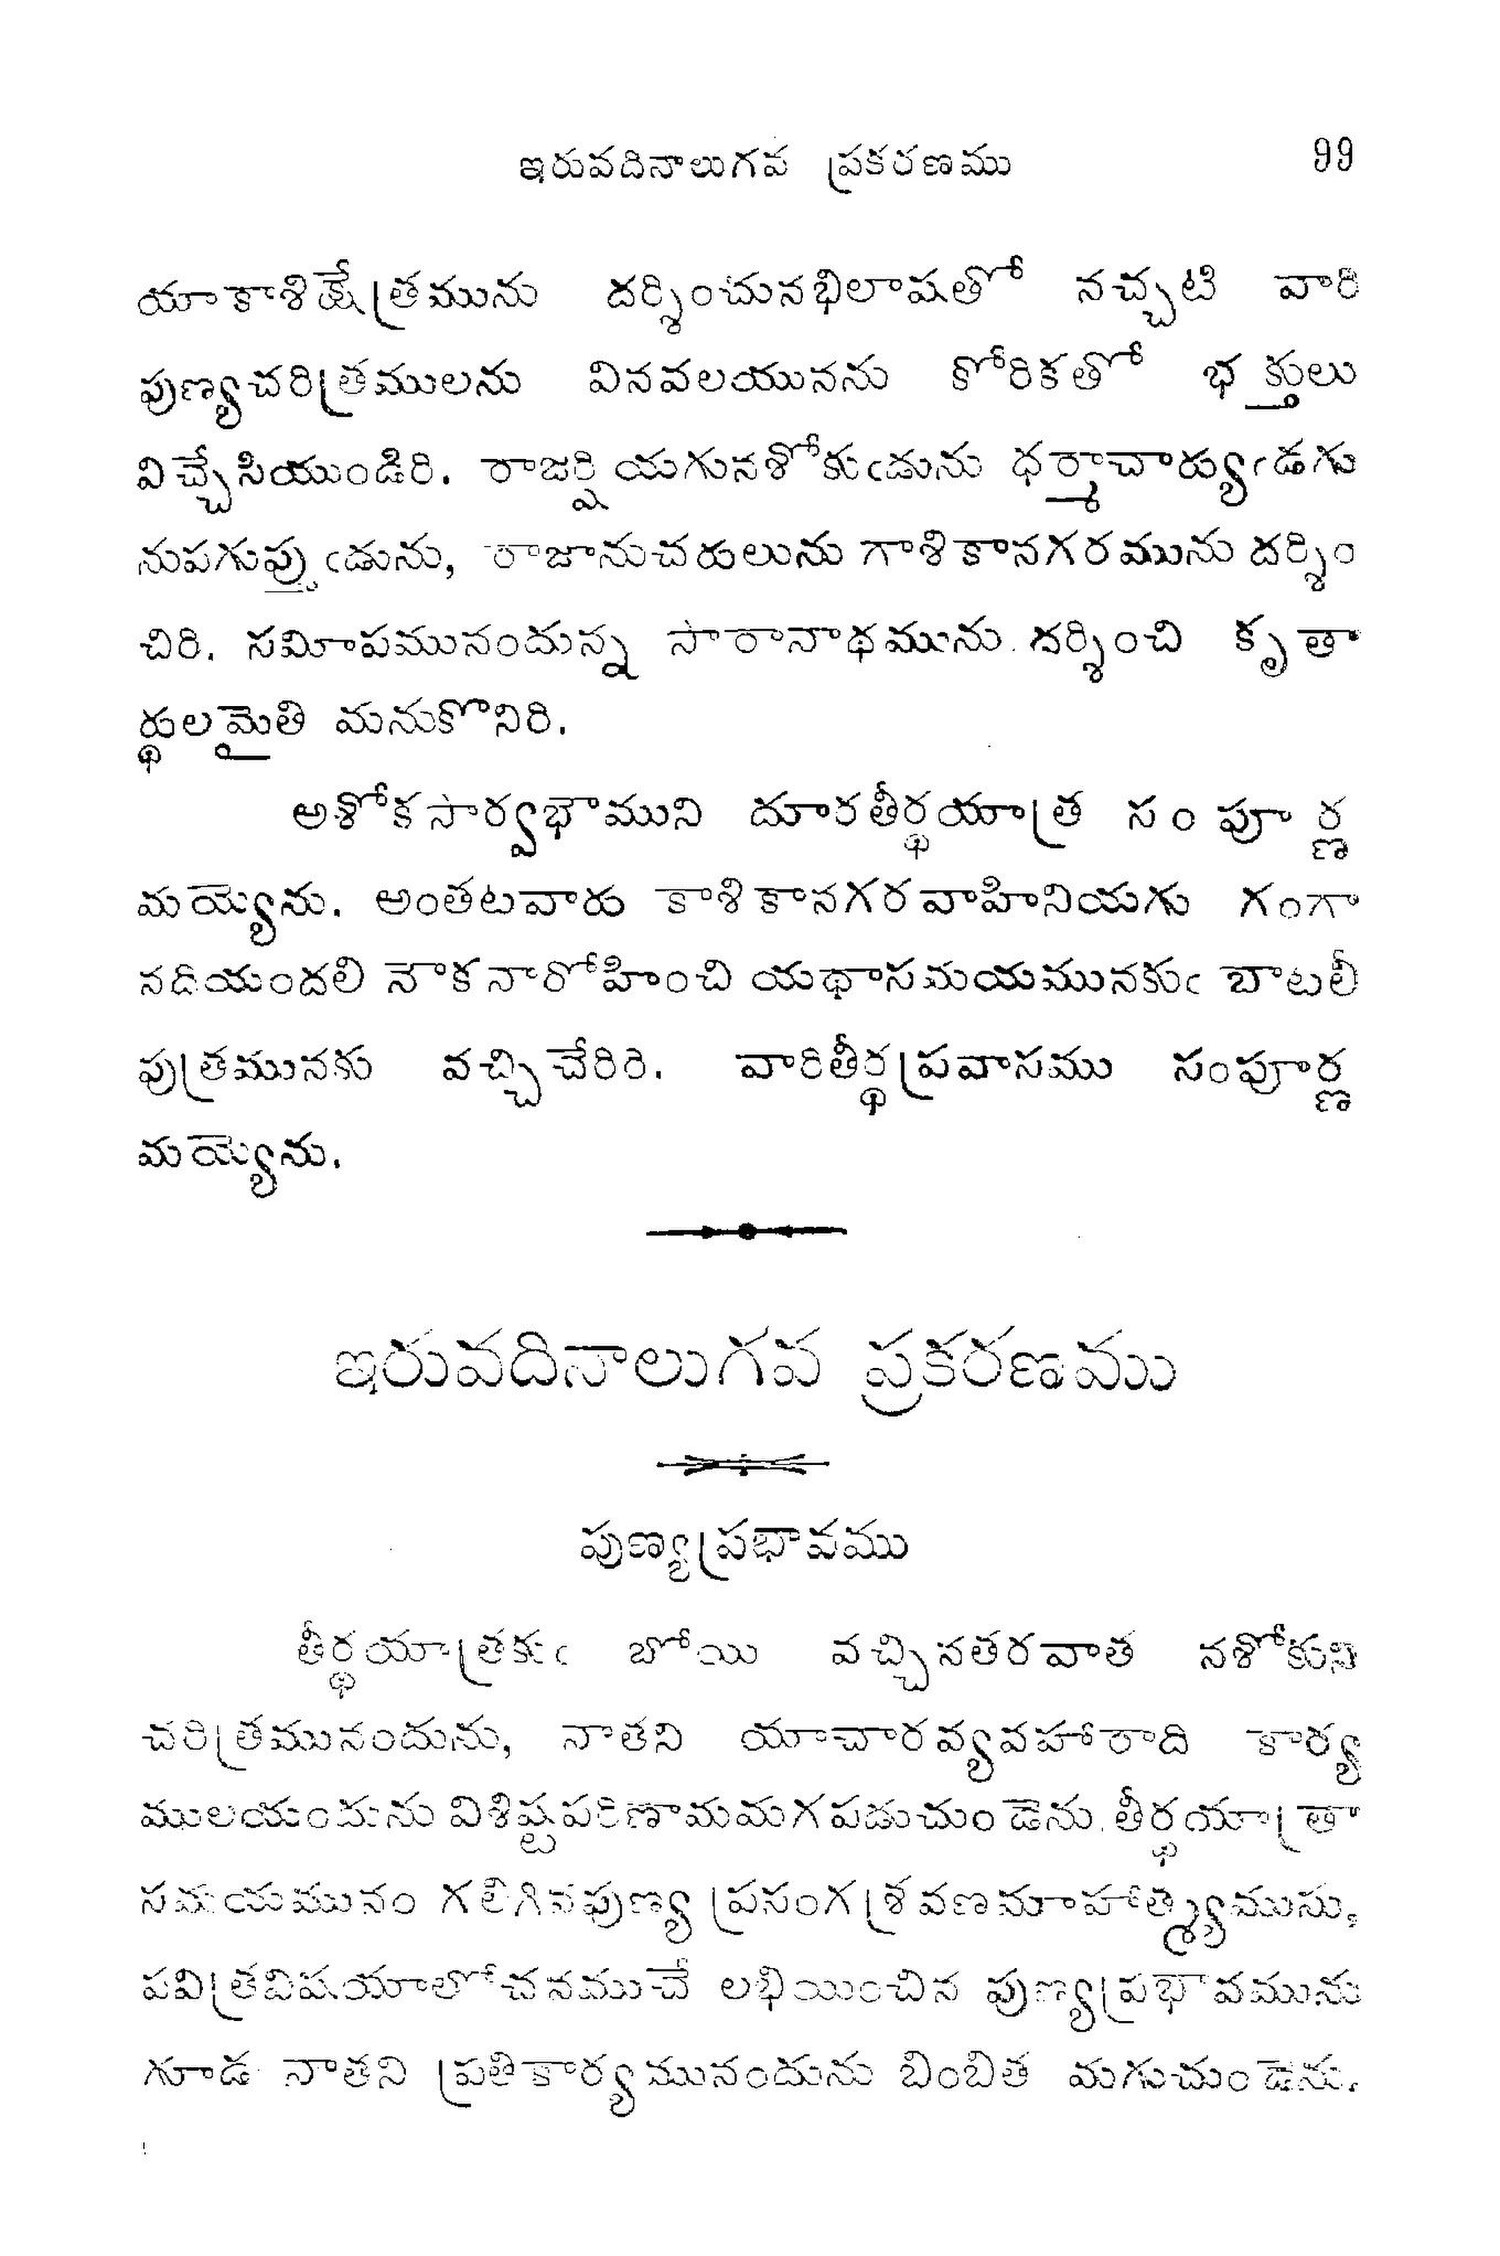యాకాశి క్షేత్రమును దర్శించునభిలాషతో నచ్చటి వారి పుణ్య చరిత్రములను వినవలయునను కోరికతో భక్తులు విచ్చేసియుండిరి. రాజర్షియగునశోకుఁడును ధర్మాచార్యుఁ డగు నుపగుప్తుఁడును, 'రాజానుచరులును గాశికానగరమును దర్శించిరి. సమీపమునందున్న సారానాథమును దర్శించి కృతాధ్రులమైతి మనుకొనిరి.

అశోక సార్వభౌముని దూర తీర్థయాత్ర సంపూర్ణ మయ్యెను. అంతట వారు కాశి కానగర వాహినియగు గంగా నదియందలి నౌక నారోహించి యథాసమయమునకుఁ బాటలీ పుత్రమునకు వచ్చి చేరిరి. వారి తీర్థ ప్రవాసము సంపూర్ణమయ్యెను.

తీర్థయాత్రకుఁ బోయి వచ్చినతరవాత నశోకుని చరిత్రమునందును, నాతని యాచార వ్యవహారాది కార్యములయందును విశిష్టపరిణామమగ పడుచుండెను. తీర్థయాత్రా
సమయమునం గలిగిన పుణ్య ప్రసంగ శ్రవణ మాహాత్మ్యమును, పవిత్రవిషయాలోచనముచే లభియించిన పుణ్యప్రభావమును గూడ నాతని ప్రతి కార్యమునందును బింబిత మగుచుండెను.